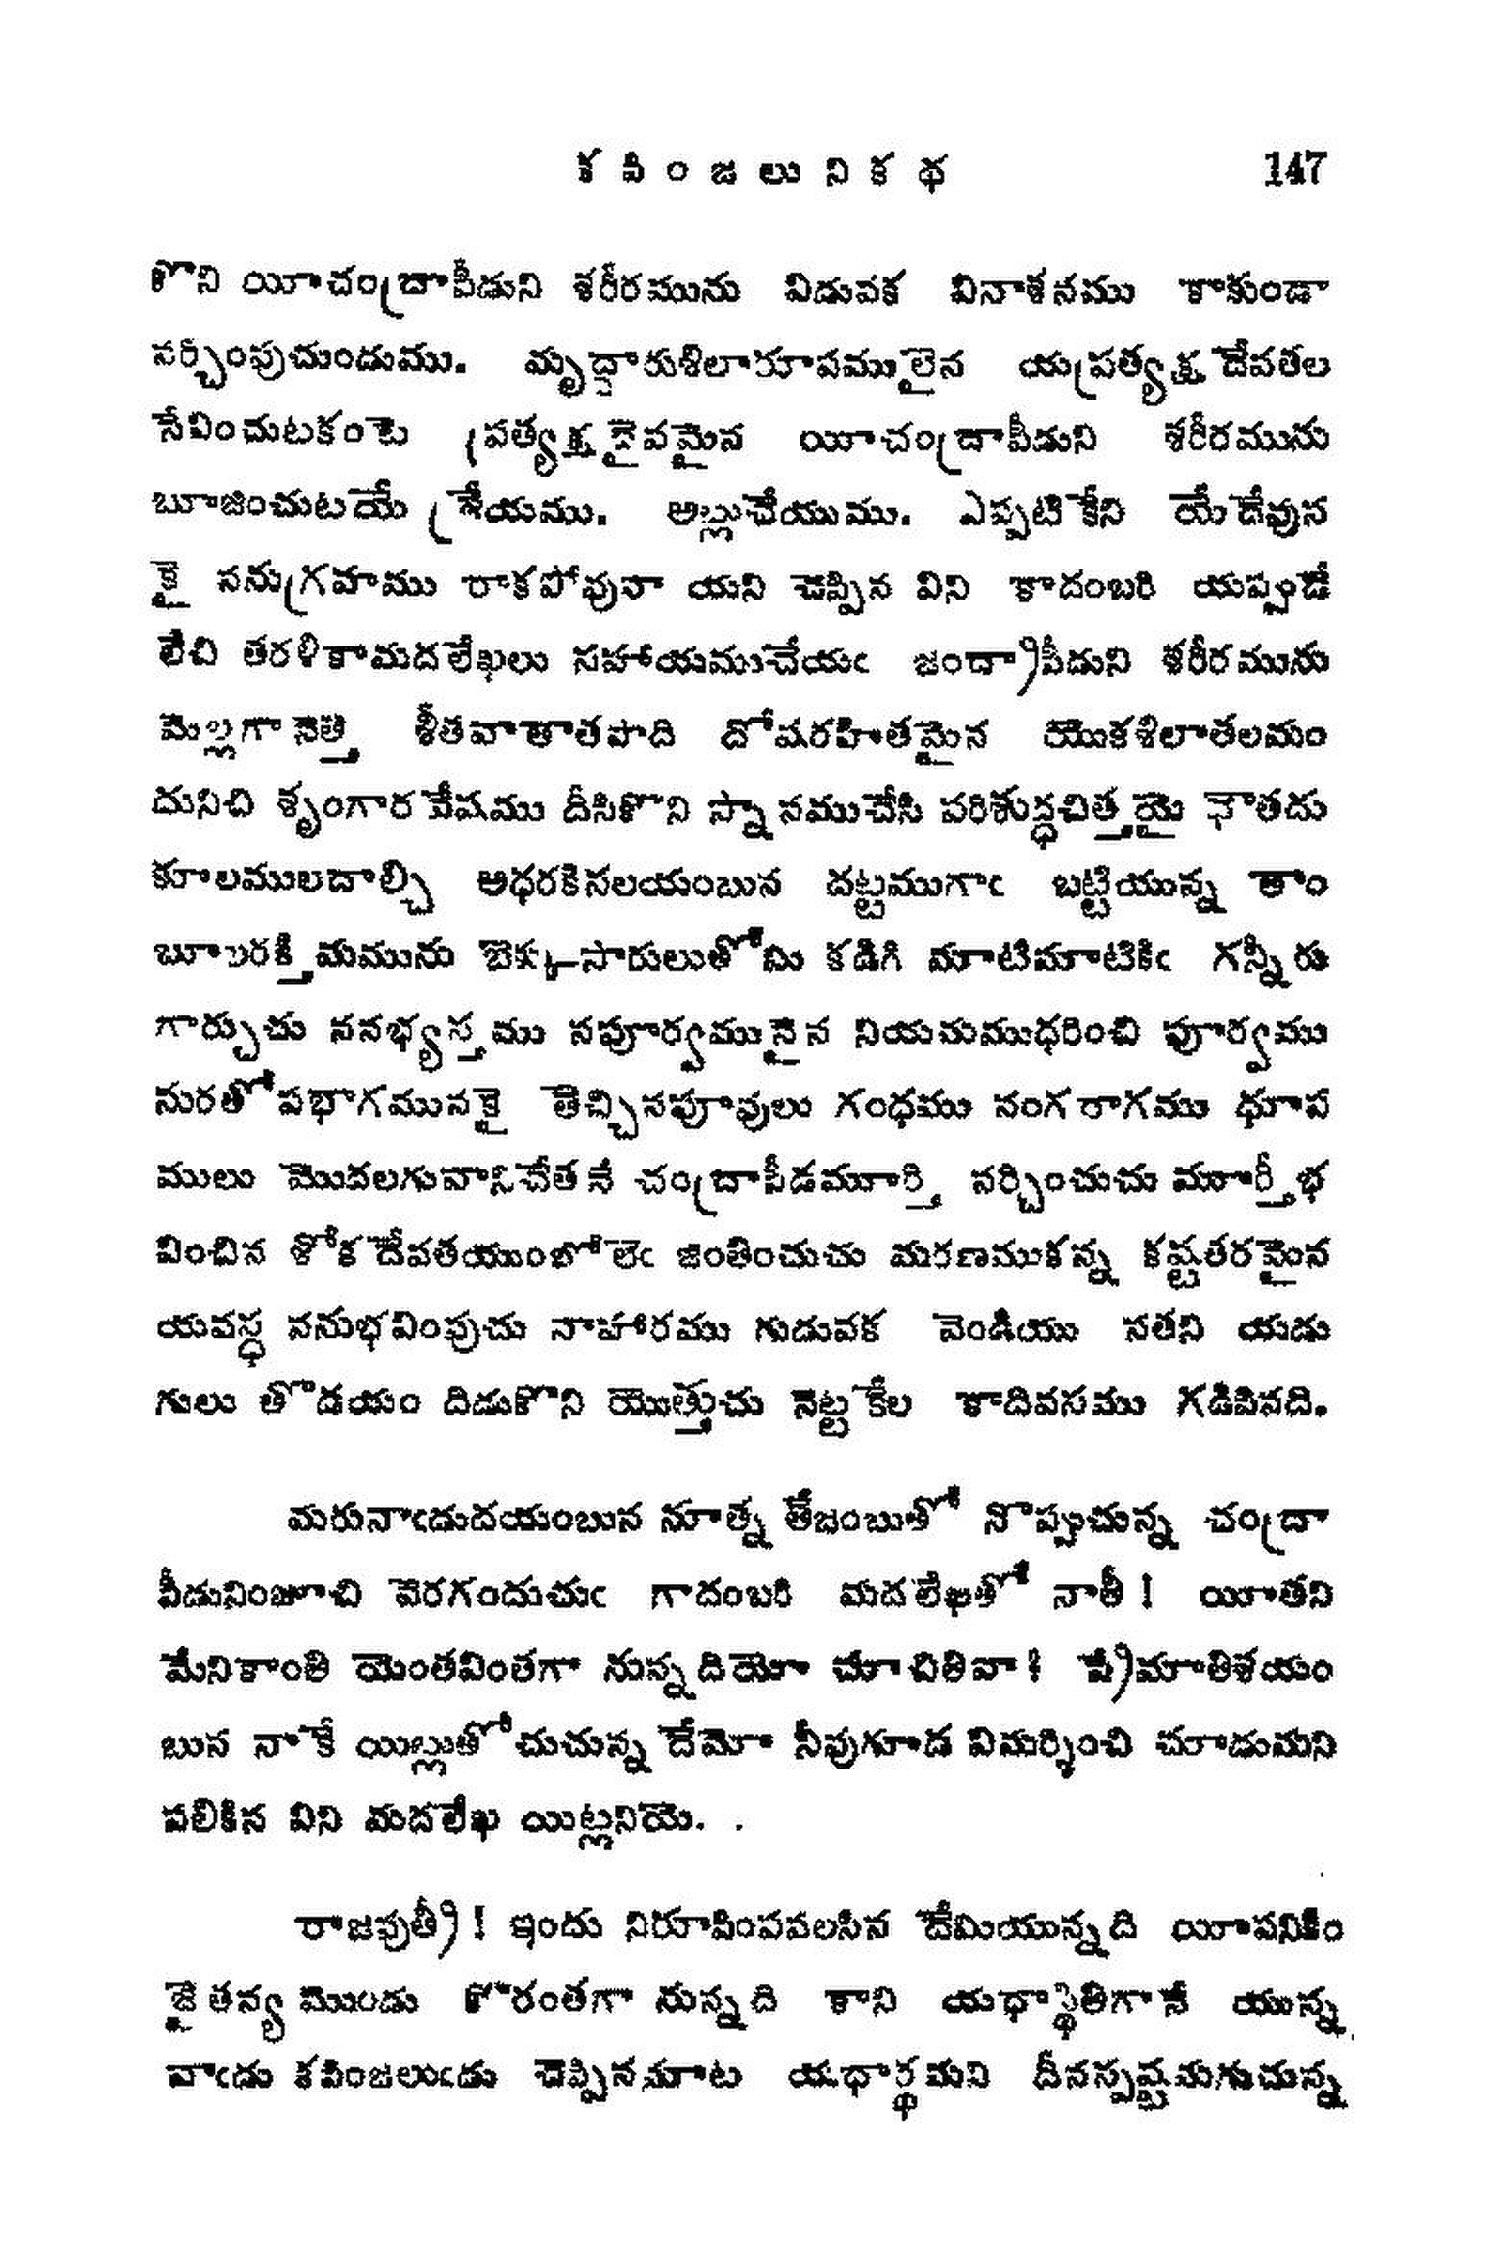కొని యీచంద్రాపీడుని శరీరమును విడువక వినాశనము కాకుండా నర్చింపుచుండుము. మృద్దారుశిలారూపములైన యప్రత్యక్షదేవతల సేవించుటకంటె ప్రత్యక్షదైవమైన యీచంద్రాపీడుని శరీరమును బూజించుటయే శ్రేయము. అట్లుచేయుము. ఎప్పటికేని యేదేవున కై ననుగ్రహము రాకపోవునా యని చెప్పిన విని కాదంబరి యప్పుడే లేచి తరళికామదలేఖలు సహాయముచేయఁ జంద్రాపీడుని శరీరమును మెల్లగానెత్తి శీతవాతాతపాది దోషరహితమైన యొకశిలాతలమం దునిచి శృంగారవేషము దీసికొని స్నానముచేసి పరిశుద్ధచిత్తయై ధౌతదుకూలములదాల్చి అధరకిసలయంబున దట్టముగాఁ బట్టియున్న తాంబూలరక్తిమమును బెక్కుసారులుతోమి కడిగి మాటిమాటికిఁ గన్నీరు గార్చుచు ననభ్యస్తము నపూర్వమునైన నియమముధరించి పూర్వము సురతోపభాగమునకై తెచ్చినపూవులు గంధము నంగరాగము ధూపములు మొదలగువానిచేతనే చంద్రాపీడమూర్తి నర్చించుచు మూర్తీభవించిన శోకదేవతయుంబోలెఁ జింతించుచు మరణముకన్న కష్టతరమైన యవస్థ ననుభవింపుచు నాహారము గుడువక వెండియు నతని యడుగులు తొడయం దిడుకొని యొత్తుచు నెట్టకేల కాదివసము గడిపినది.

మరునాఁడుదయంబున నూత్న తేజంబుతో నొప్పుచున్న చంద్రాపీడునింజూచి వెరగందుచుఁ గాదంబరి మదలేఖతో నాతీ! యీతని మేనికాంతి యెంతవింతగా నున్నదియో చూచితివా? ప్రేమాతిశయంబున నాకే యిట్లుతోచుచున్న దేమో నీవుగూడ విమర్శించి చూడుమని పలికిన విని మదలేఖ యిట్లనియె.

రాజపుత్రీ! ఇందు నిరూపింపవలసిన దేమియున్నది యీపనికిం జైతన్య మొండు కొరంతగా నున్నది కాని యధాస్థితిగానే యున్నవాఁడు కపింజలుఁడు చెప్పినమాట యథార్థమని దీనస్పష్టమగుచున్న